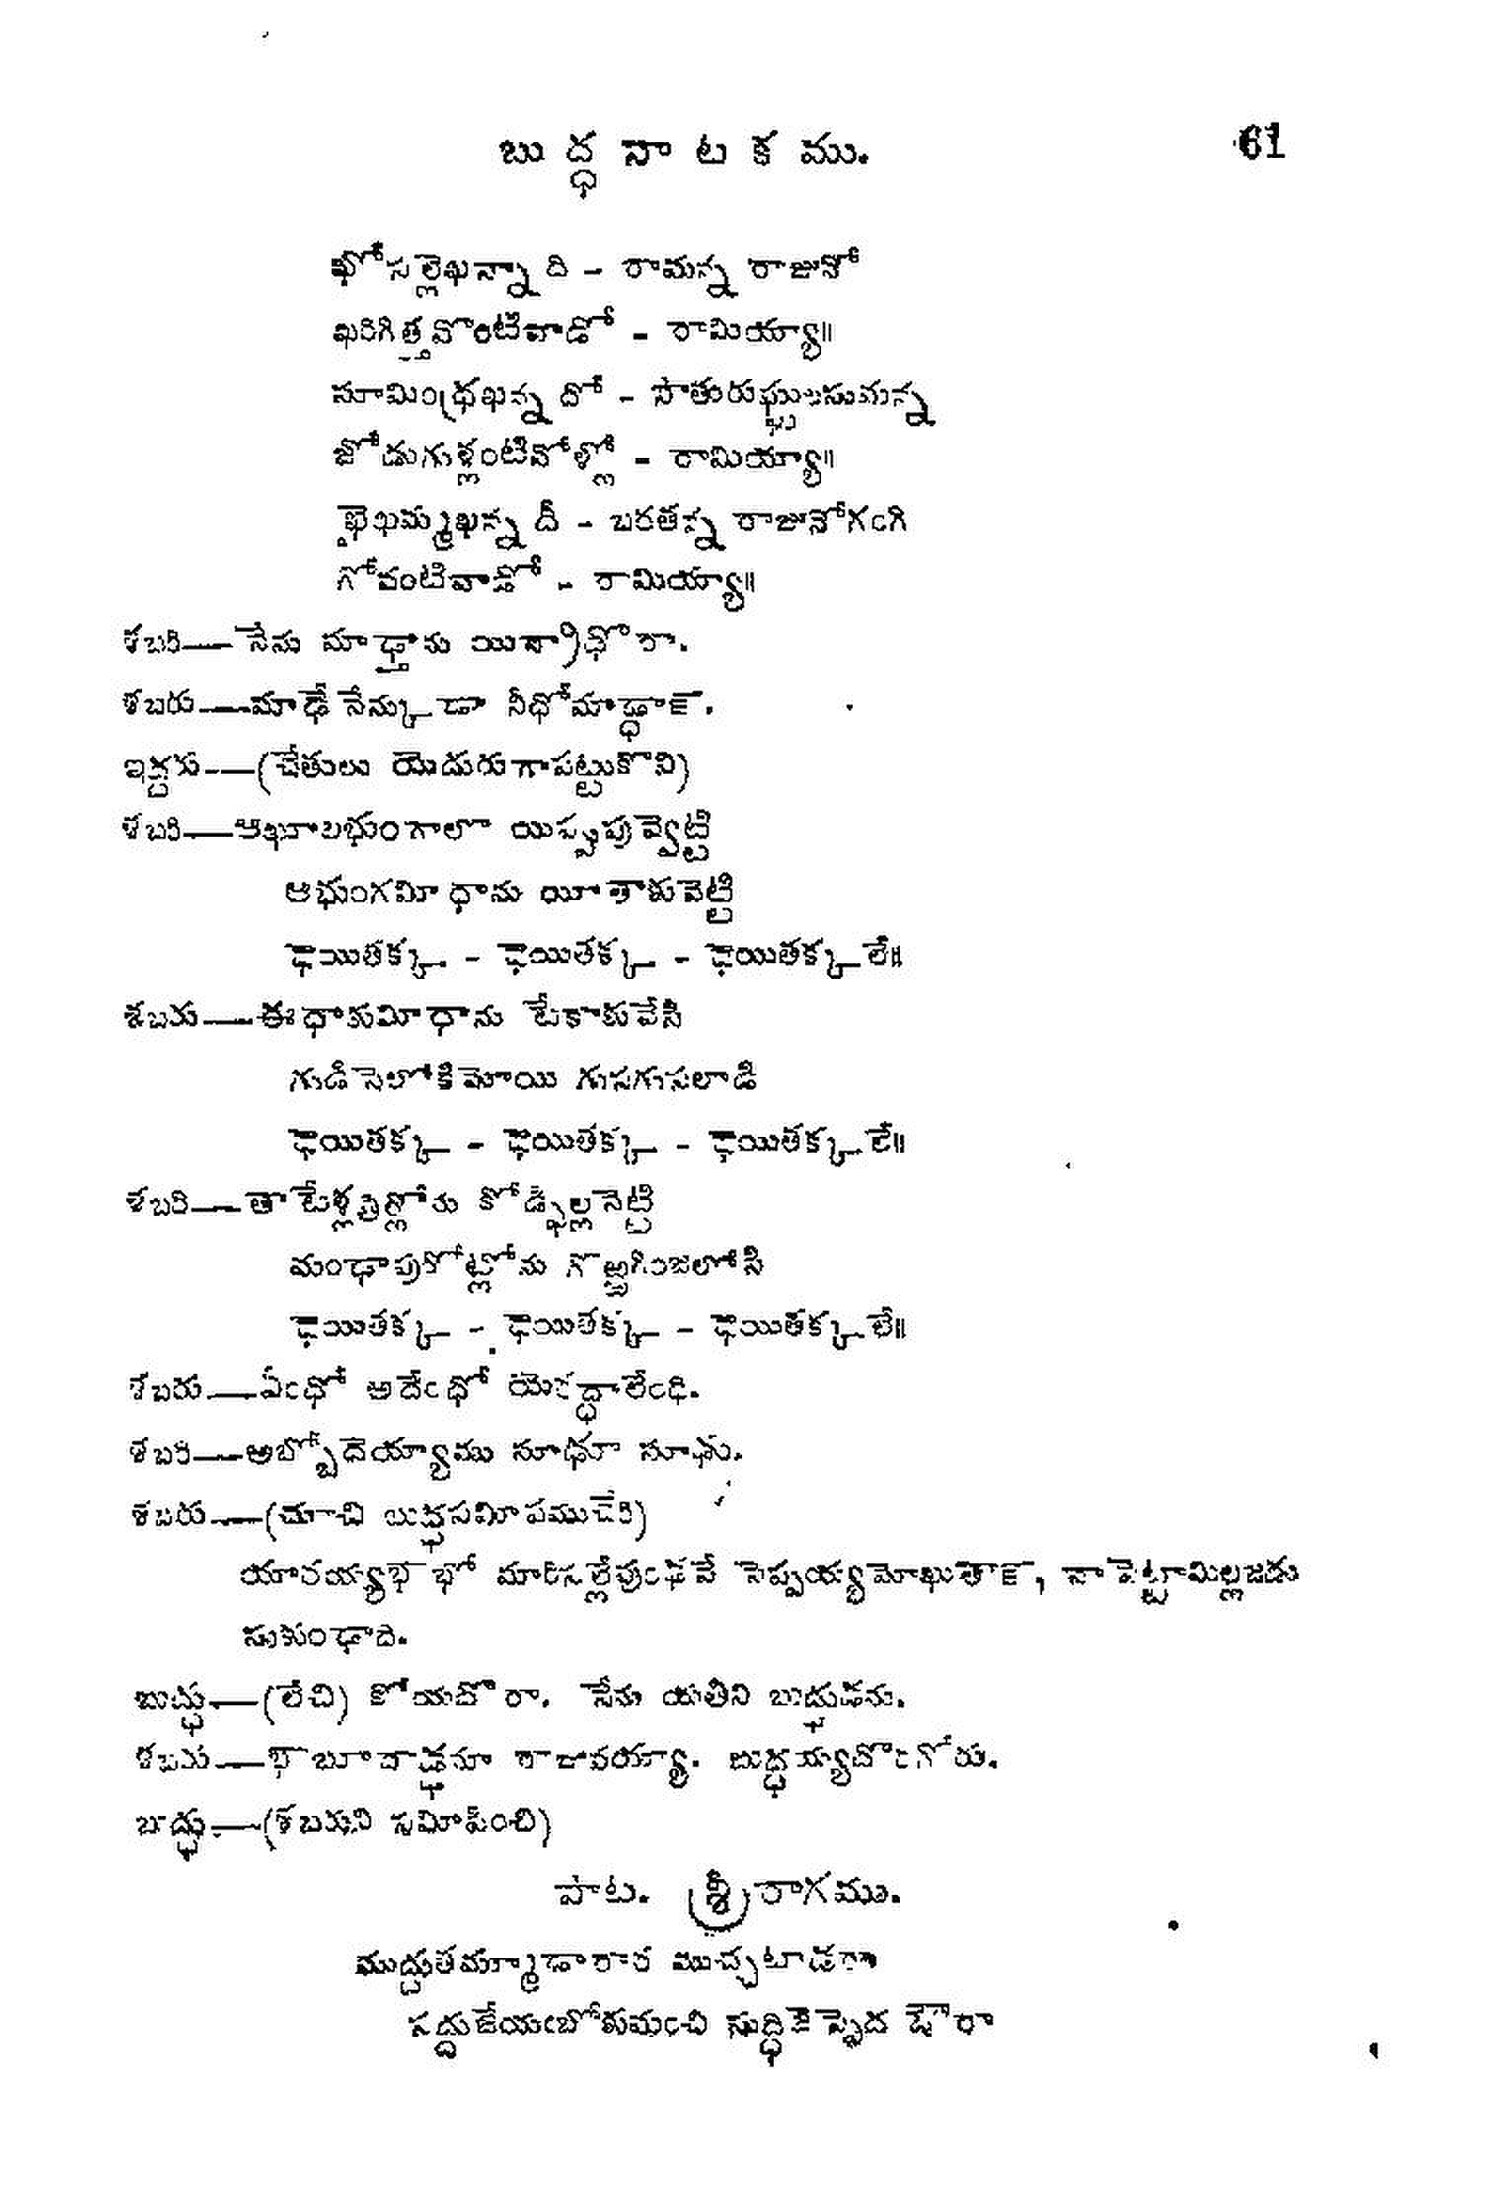ఖోసల్లెఖన్నాది - రామన్న రాజునో
ఖరిగిత్తవొంటివాడో - రామియ్యా॥
సూమింధ్రఖన్నదో - సౌతురుఘులసుమన్న 
జోడుగుళ్లంటినోల్లో - రామియ్యా॥
భైఖమ్మఖన్నదీ - బరతన్నరాజునోగంగి 
గోవంటివాడో - రామియ్యా॥ 

శబరి - నేను మార్థడను యిన్రాధోరా 

శబరు - మాఢేనేన్కుడా నీధోమాద్దా౯

ఇద్దరు - (చేతులు యెదురుగాపట్టుకొని)

శబరి — ఆఖూలభుంగాలొ యిప్పుపువ్వెట్టి
ఆభుంగమిధాను యీతాకువెట్టి 
ధెయితక్క - ధెయితక్క - ధెయితక్కలే॥ 

శబరు - ఈధాకుమీధాను టేకాకువేసి 
గుడిసెలోకిమోయి గుసగుసలాడి
ధెయితక్క - ధెయితక్క - ధెయితక్కలే॥ 

శబరి - తాటేళ్లతిల్లోను కోడ్ఫిల్లనెట్టి 
మంఢాపురోట్లోను గొఱ్ఱగింజలోసి
ధెయితక్క - ధెయితక్క - ధెయితక్కలే॥ 

శబరు - ఏంధో అదెంధో యెరద్ధాలేంది.

శబరి - అబ్బోదెయ్యాము సూఢూ సూఢు.

శబరు — (చూచి బుద్ధిసమీపముచేరి)
యారయ్యభా బ్లో మారిసల్లేవుఁఢనే సెప్పయ్య మోఖుతా౯ తేజ్, నాపెట్టామిల్లజడు సుకుంఢాది.

బుద్ధు — (లేచి) కోయదోరా. నేను యతీని బుద్ధుడను.

శబరు - భాబూదాడ్ఢనూ రాజువయ్యా, బుద్ధయ్యదొరగోరు.

బద్ధు — (శబరుని సమీపించి)

ముద్దుతమ్మూడారార ముచ్చటాడగా
సద్దుజేయఁబోకుమంచి సుద్ధిజెపెద ఔరా